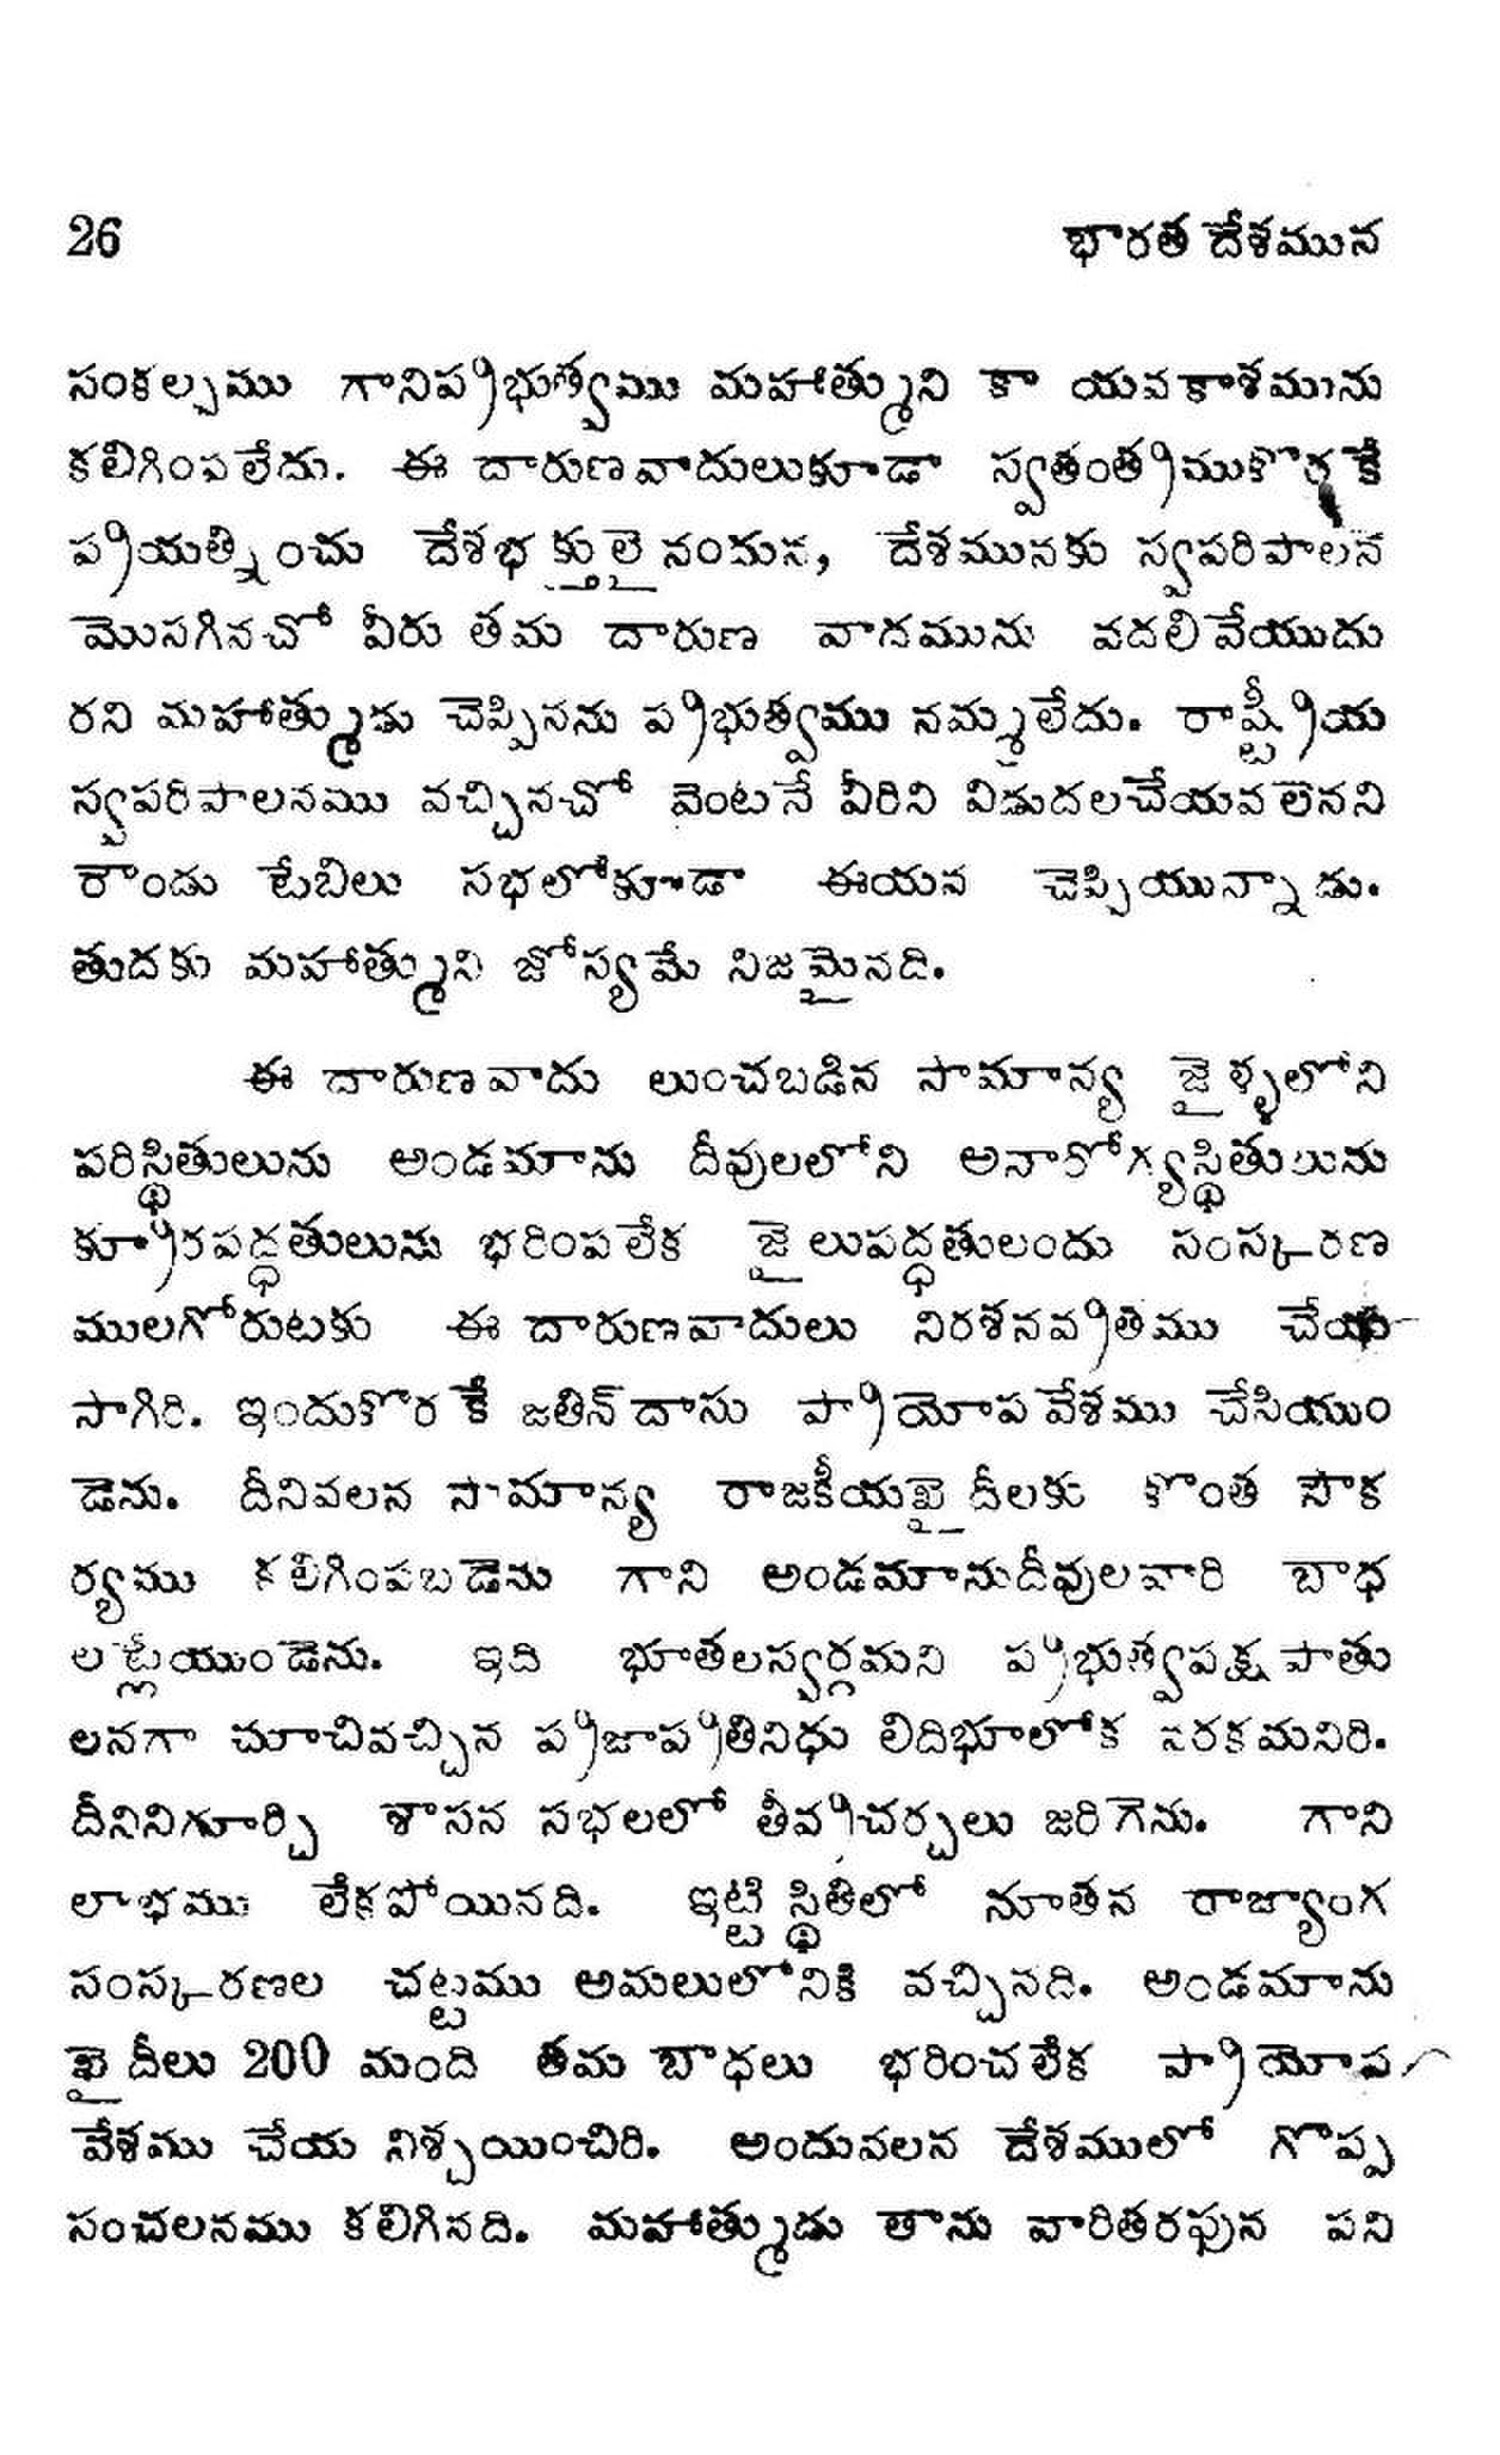సంకల్పము గానిప్రభుత్వము మహాత్ముని కా యవకాశమును కలిగింపలేదు. ఈ దారుణవాదులుకూడా స్వతంత్రముకొరకే ప్రయత్నించు దేశభక్తులైనందున, దేశమునకు స్వపరిపాలన మొసగినచో వీరు తమ దారుణ వాదమును వదలి వేయుదురని మహాత్ముడు చెప్పినను ప్రభుత్వము నమ్మలేదు. రాష్ట్రీయ స్వపరిపాలనము వచ్చినచో వెంటనే వీరిని విడుదలచేయవలెనని రౌండు టేబిలు సభలోకూడా ఈయన చెప్పియున్నాడు. తుదకు మహాత్ముని జోస్యమే నిజమైనది.

ఈ దారుణవాదు లుంచబడిన సామాన్య జైళ్ళలోని పరిస్థితులును అండమాను దీవులలోని అనారోగ్యస్థితులును క్రూరపద్ధతులును భరింపలేక జైలుపద్దతులందు సంస్కరణములగోరుటకు ఈ దారుణవాదులు నిరశనవ్రతము చేయసాగిరి. ఇందుకొరకే జతిన్‌దాసు ప్రాయోపవేశము చేసియుండెను. దీనివలన సామాన్య రాజకీయఖైదీలకు కొంత సౌకర్యము కలిగింపబడెను గాని అండమానుదీవులవారి బాధ లట్లేయుండెను. ఇది భూతలస్వర్గమని ప్రభుత్వపక్ష పాతులనగా చూచివచ్చిన ప్రజాప్రతినిధు లిదిభూలోక నరకమనిరి. దీనినిగూర్చి శాసన సభలలో తీవ్రచర్చలు జరిగెను. గాని లాభము లేకపోయినది. ఇట్టిస్థితిలో నూతన రాజ్యాంగ సంస్కరణల చట్టము అమలులోనికి వచ్చినది. అండమాను ఖైదీలు 200 మంది తమ బాధలు భరించలేక ప్రాయోపవేశము చేయ నిశ్చయించిరి. అందువలన దేశములో గొప్ప సంచలనము కలిగినది. మహాత్ముడు తాను వారితరఫున పని